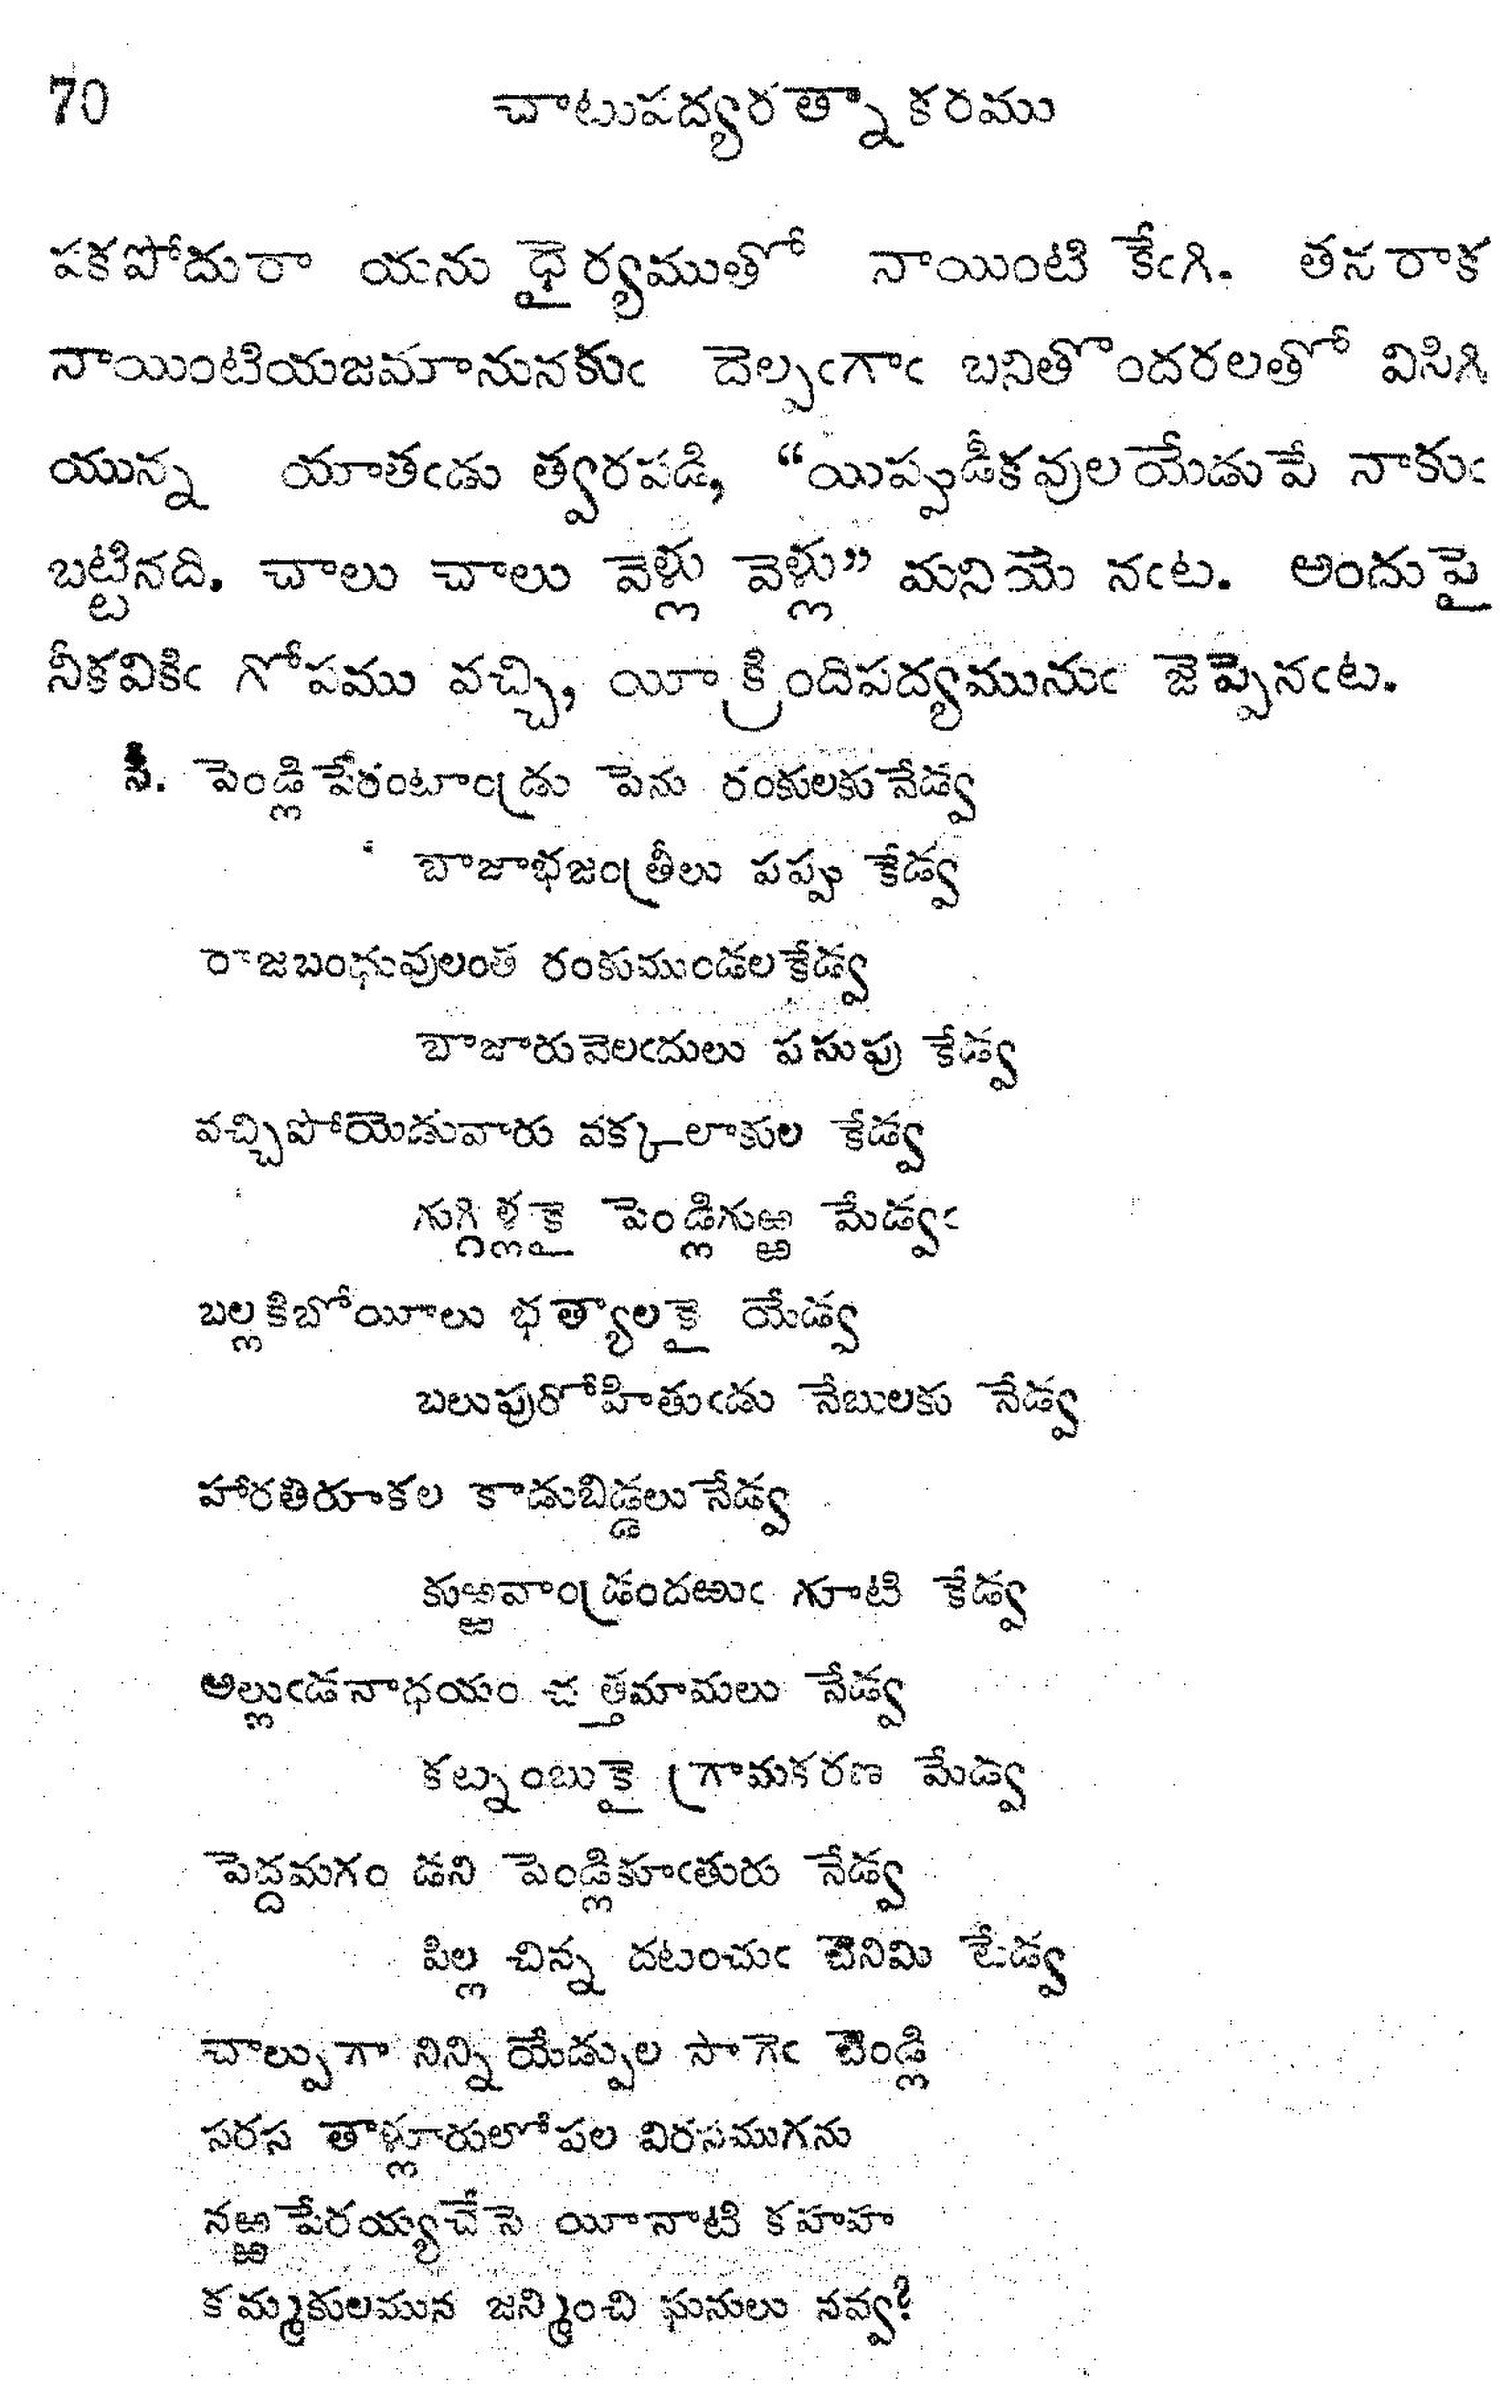పకపోదురా యనుధైర్యముతో నాయింటికేఁగి, తనరాక యాయింటియజమానునకుఁ దెల్పఁగాఁ బనితొందరలతో విసిగియున్న యాతఁడు త్వరపడి, “యిప్పుడీకవులయేడుపే నాకుఁ బట్టినది. చాలు చాలు వెళ్ళు వెళ్ళు” మనయెనఁట. అందుపై నీకవికిఁ గోపము వచ్చి, యీక్రిందిపద్యమునుఁ జెప్పెనఁట.

సీ. పెండ్లిపేరంటాండ్రు పెనురంకులకు నేడ్వ
 బాజాభజంత్రీలు పప్పు కేడ్వ
 రాజబంధువులంత రంకుముండల కేడ్వ
 బాజారువెలఁదులు పసుపు కేడ్వ
 వచ్చిపోయెడువారు వక్కలాకుల కేడ్వ
 గుగ్గిళ్ళకై పెండ్లిగుఱ్ఱ మేడ్వఁ
 బల్లకిబోయీలు భత్యాలకై యేడ్వ
 బలుపురోహితుఁడు నేబులకు నేడ్వ
 హారతిరూకల కాడుబిడ్డలు నేడ్వ
 కుఱ్ఱవాండ్రందఱుఁ గూటి కేడ్వ
 అల్లుఁ డనాథయం చత్తమామలు నేడ్వ
 కట్నంబుకై గ్రామకరణ మేడ్వ
 పెద్దమగం డని పెండ్లికూఁతురు నేడ్వ
 పిల్ల చిన్న దటంచుఁ బెనిమి టేడ్వ
 చాల్పుగా నిన్నియేడ్పుల సాగెఁ బెండ్లి
 సరస తాళ్ళూరులోపల విరసముగను
 నఱ్ఱపేరయ్య చేసె యీనాటి కహహ
 కమ్మకులమున జన్మించి ఘనులు నవ్వ.